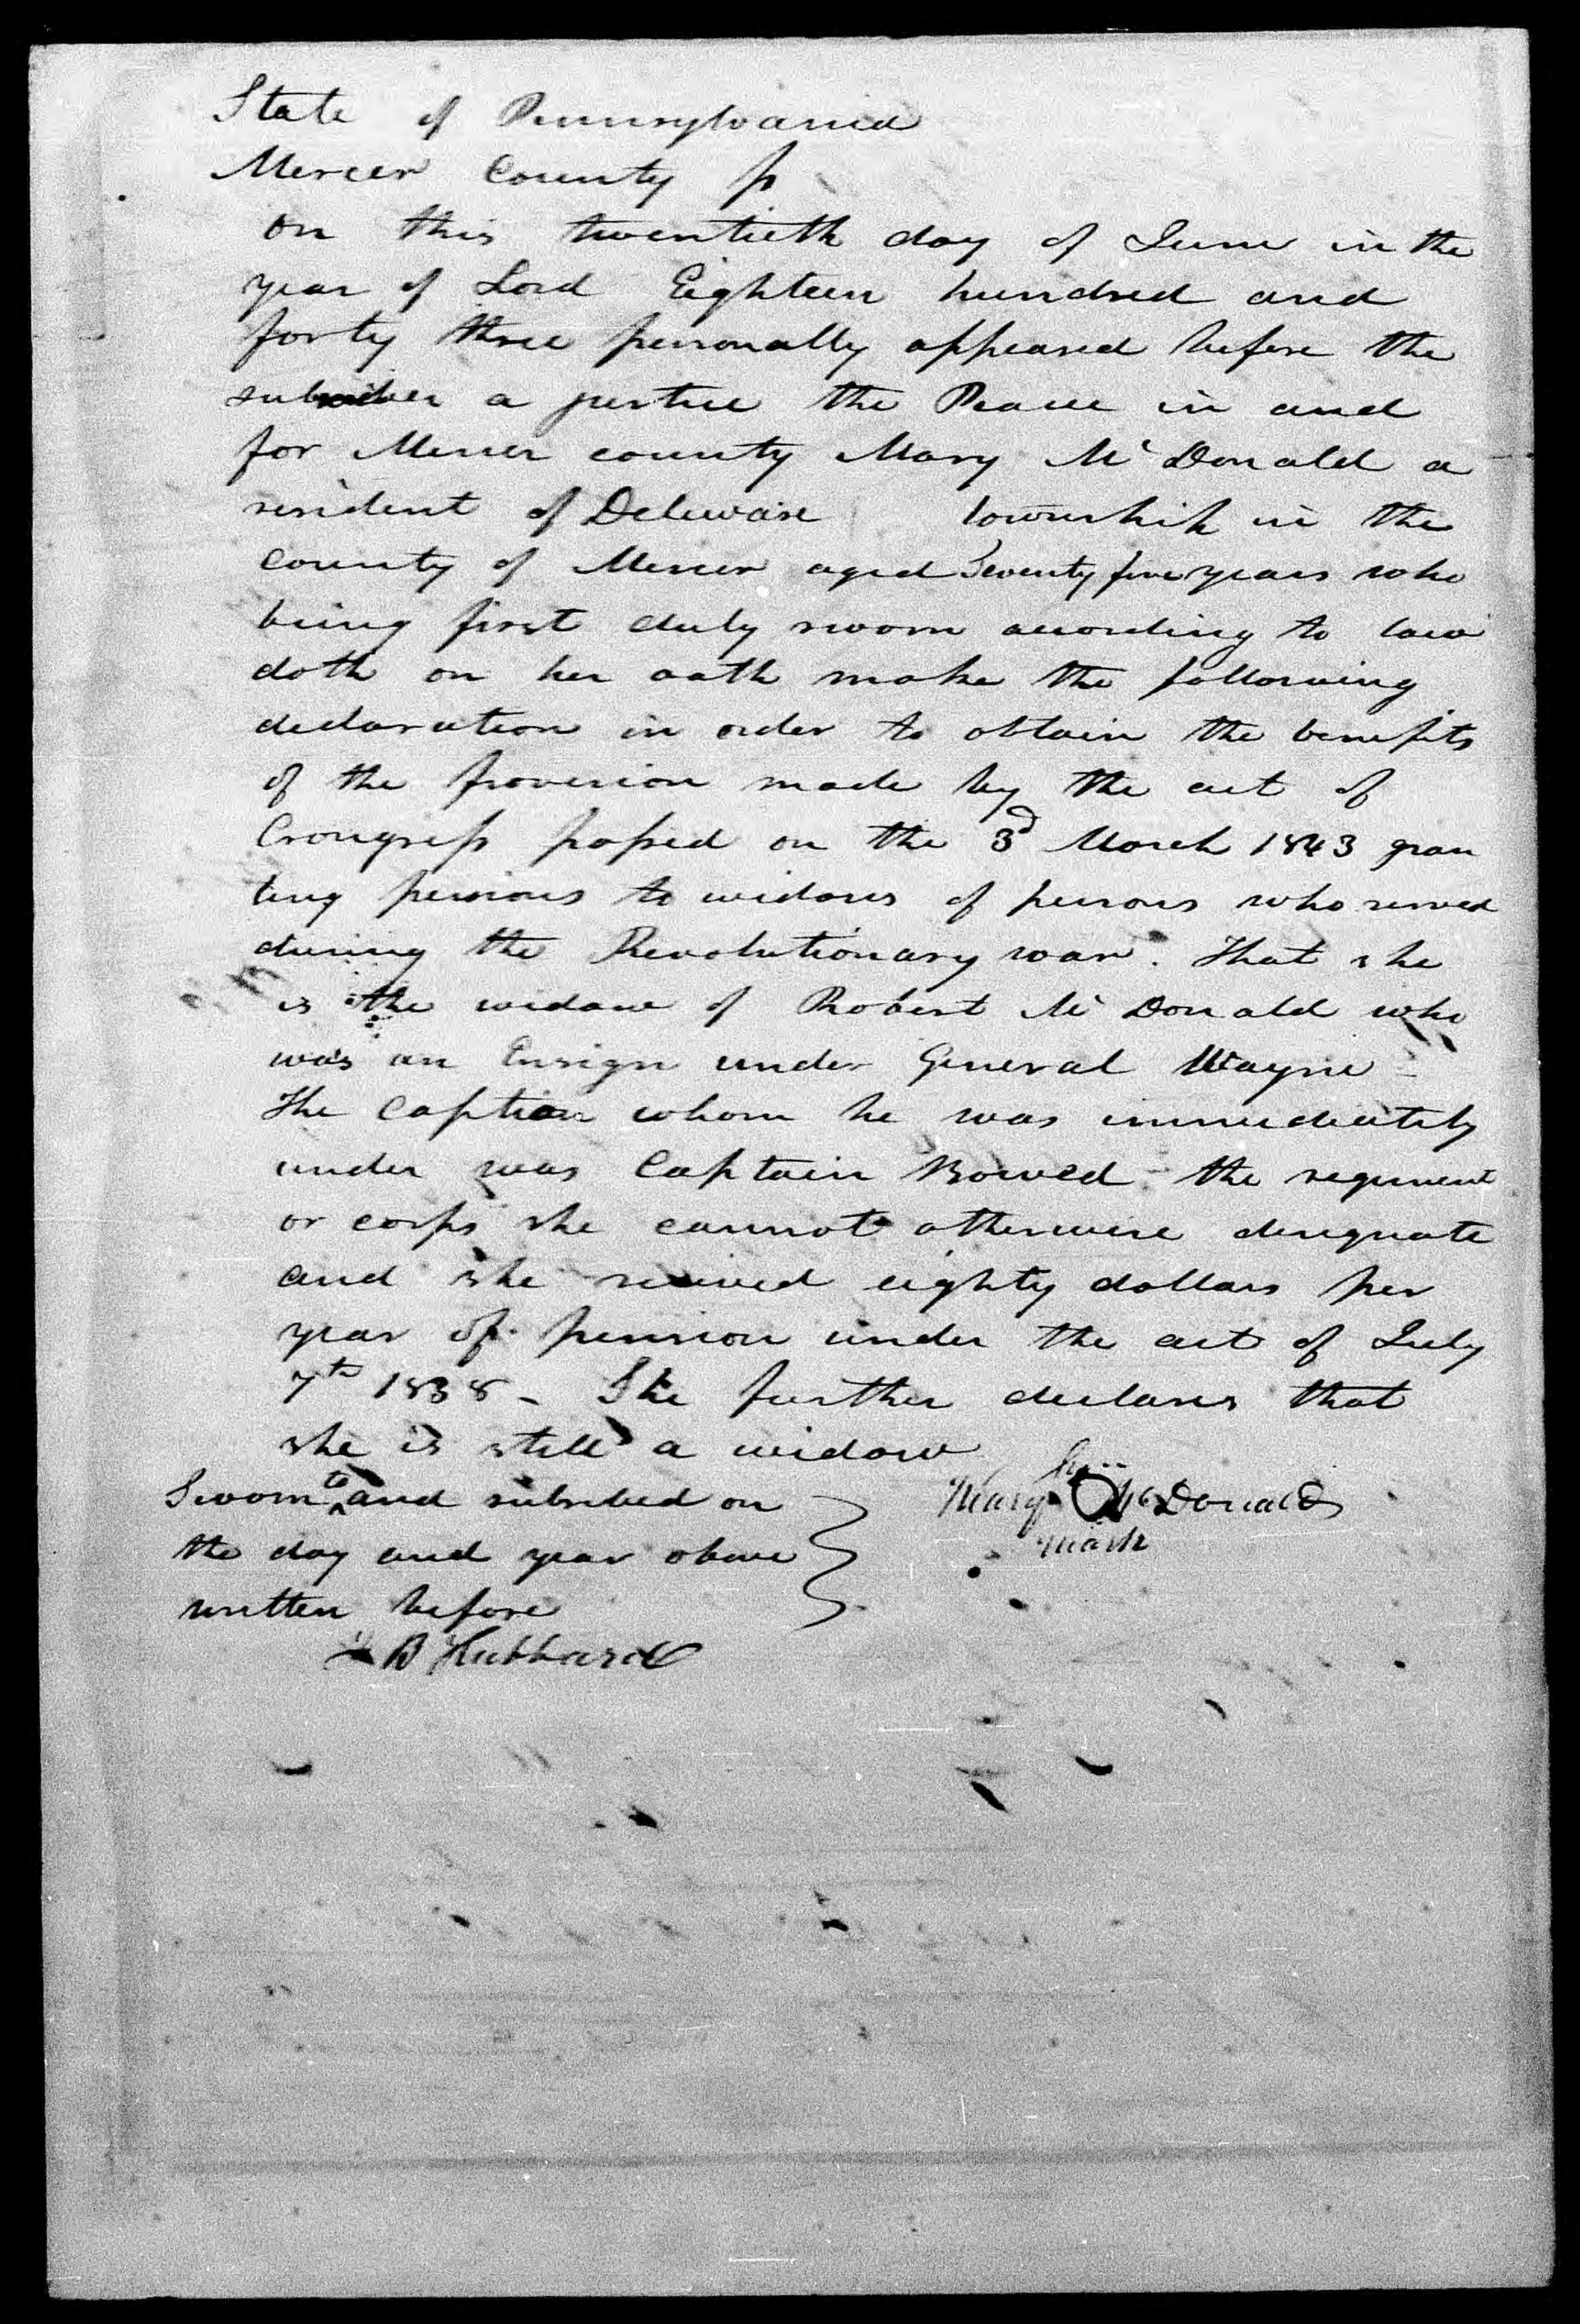State of Pennsylvania
Mercer County Pa
On this twentieth day of June in the year of Lord Eighteen hundred and forty three personally appeared before the subscriber a Justice of the Peace in and for Mercer county Mary McDonald a resident of Delaware township in the county of Mercer aged Seventy five years who being first duly sworn according to law doth on her oath make the following declaration in order to obtain the benefits of the provisions made by the act of Congress passed on the 3rd March 1843 granting pensions to widows of persons who served during the Revolutionary war. That she is the widow of Robert McDonald who was an Ensign under General Wayne . The Captain whom he was immediately under was Captain Bowed the regiment or corps she cannot otherwise (unreadable) and she received eighty dollars per year of pension under the act of July 7th 1838. She further declares that she is still a widow. Mary McDonald
Sworn and subscribed on the day and year  above written before
B. Hubbard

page: 44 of 59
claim: widow's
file: W 3703, for Robert Mc Donald, Pennsylvania